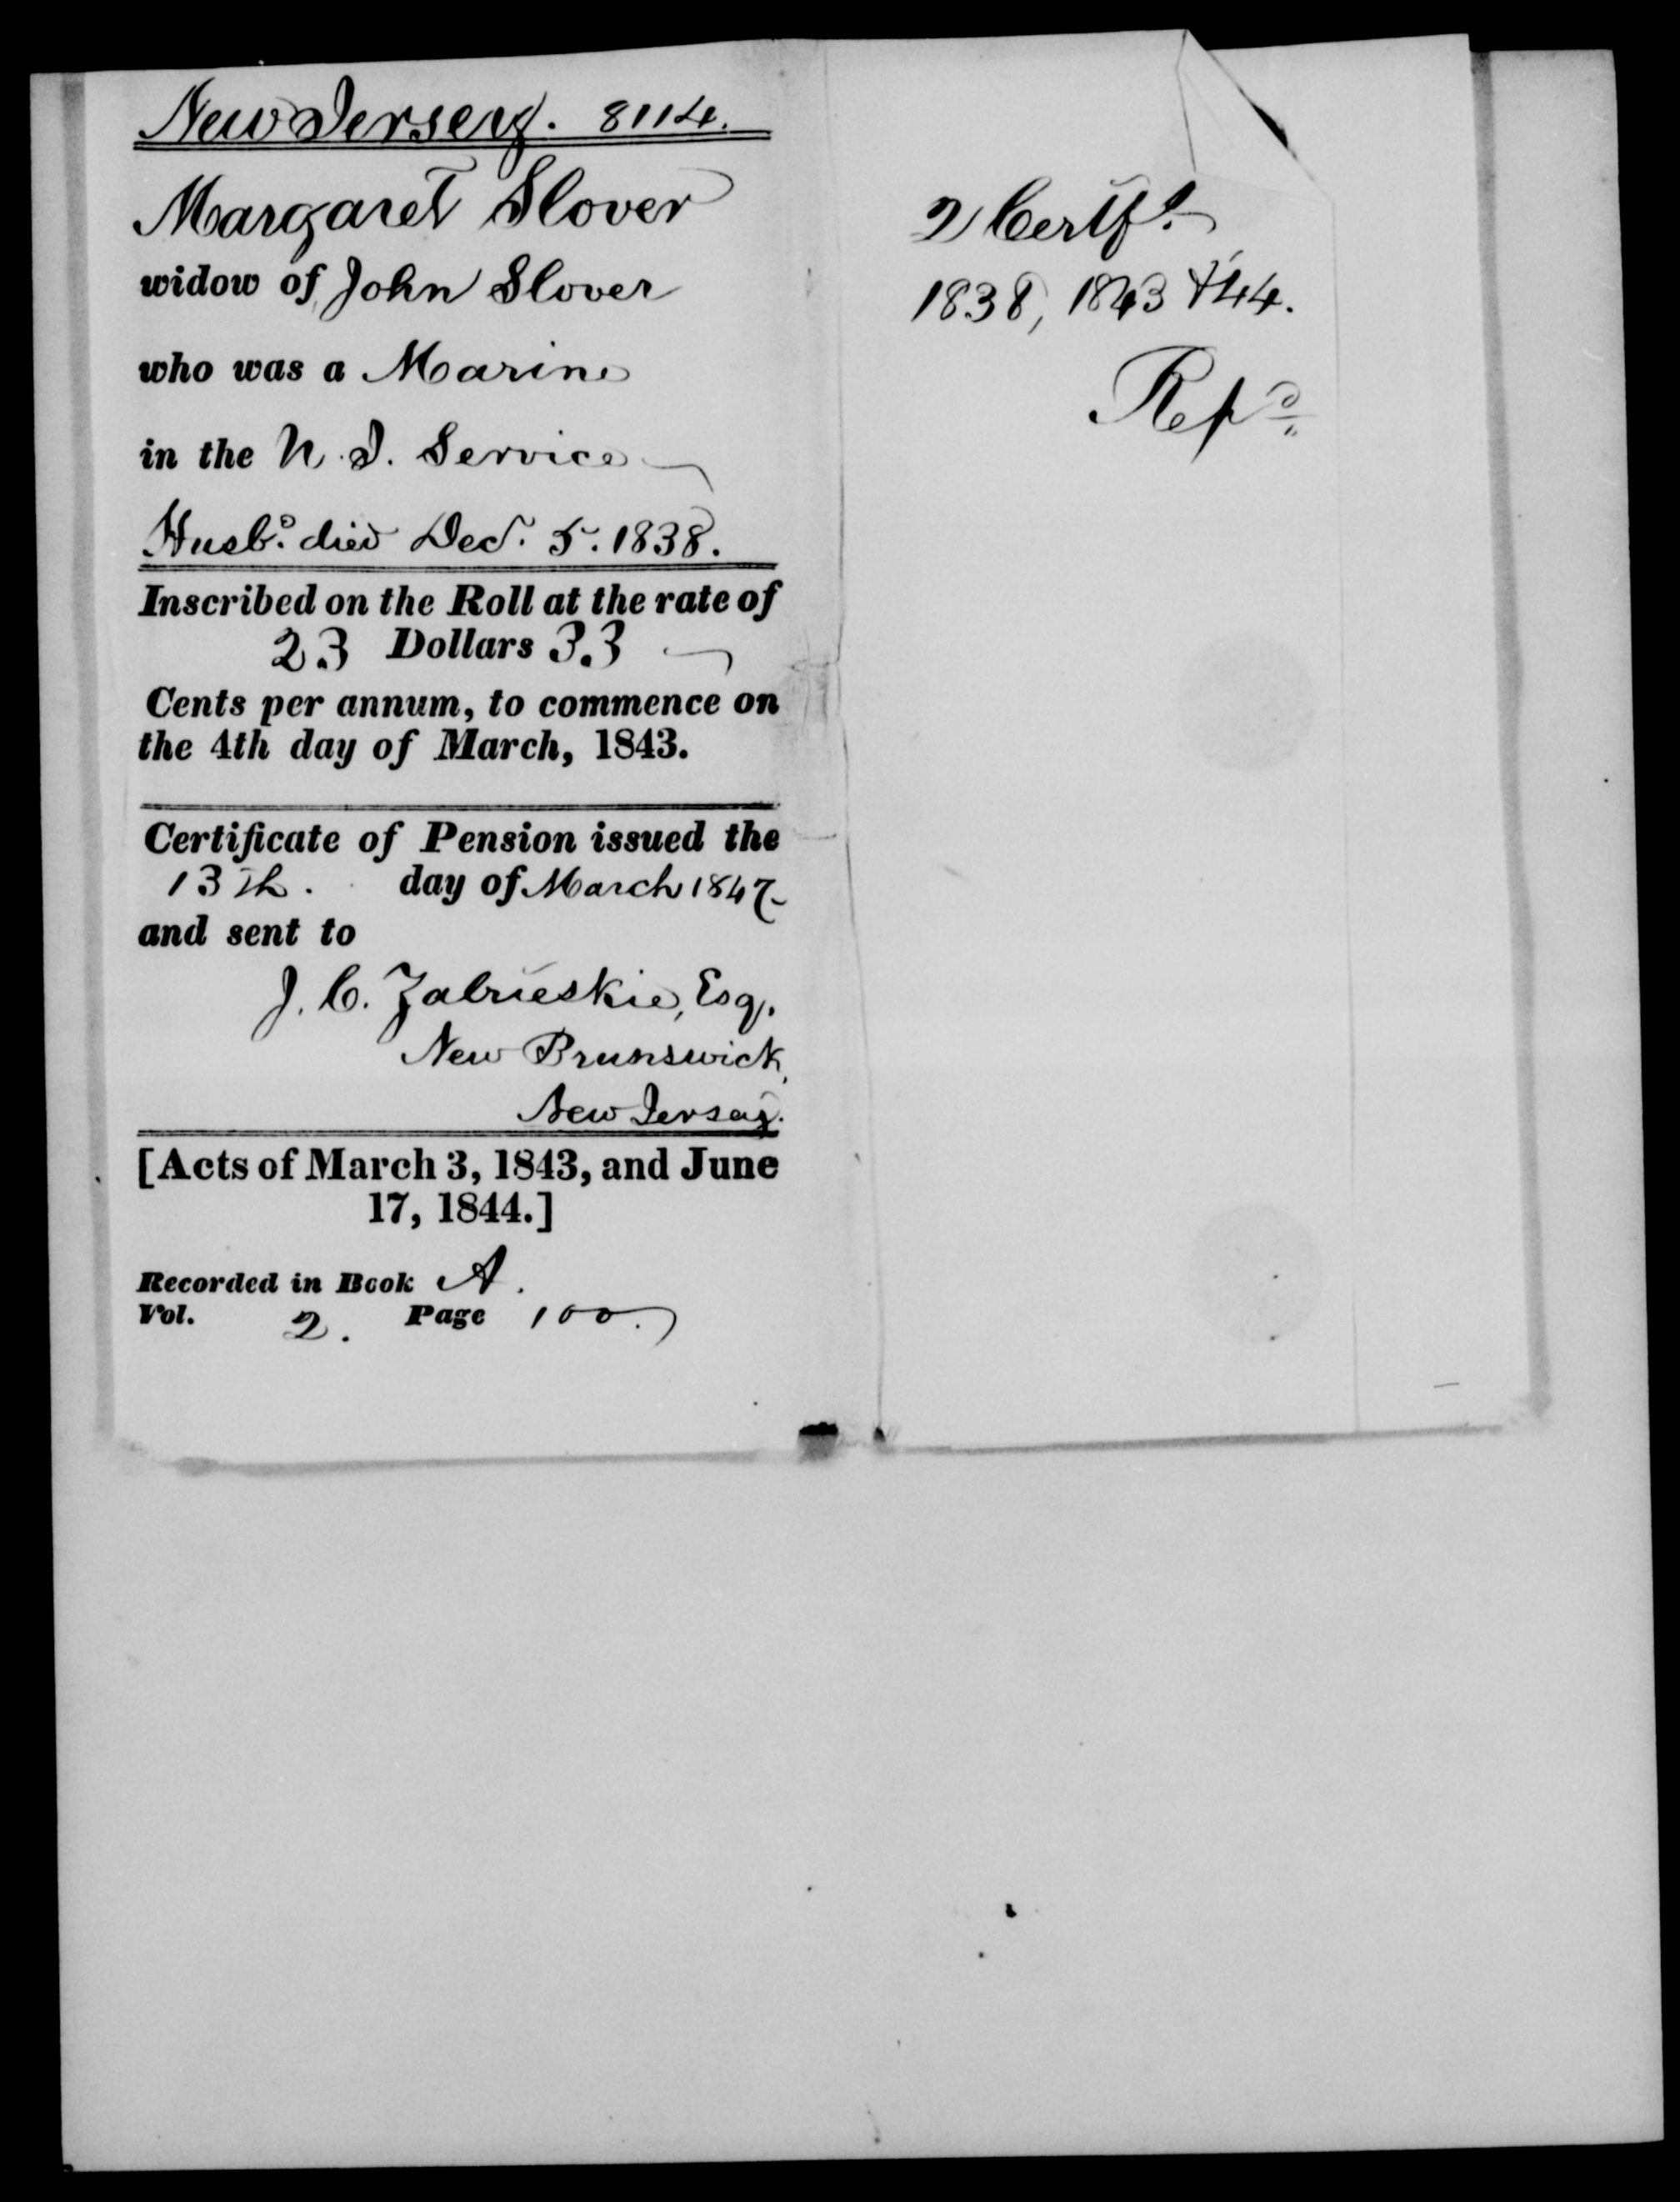New Jersey | 8114
Margaret Slover, widow of John Slover who was a Marine in the N.J. Service.
Husb(and) died Dec. 5, 1838.

Inscribed on the Roll at the rate of 23 Dollars 33 Cents per annum, to commence on the 4th day of March, 1843.

Certificate of Pension issued the 13th day of March 1847 and sent to J.C. Zabrieskie, Esq., New Brunswick, New Jersey.
{Acts of March 3, 1843, and June 17, 1844.}

Recorded in Book A; Vol. 2; Page 100.

2 Certif(icates), 1838, 1843 & '44.
Rep(orted).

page: 31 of 46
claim: widow's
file: W. 6205, for John Slover, New Jersey